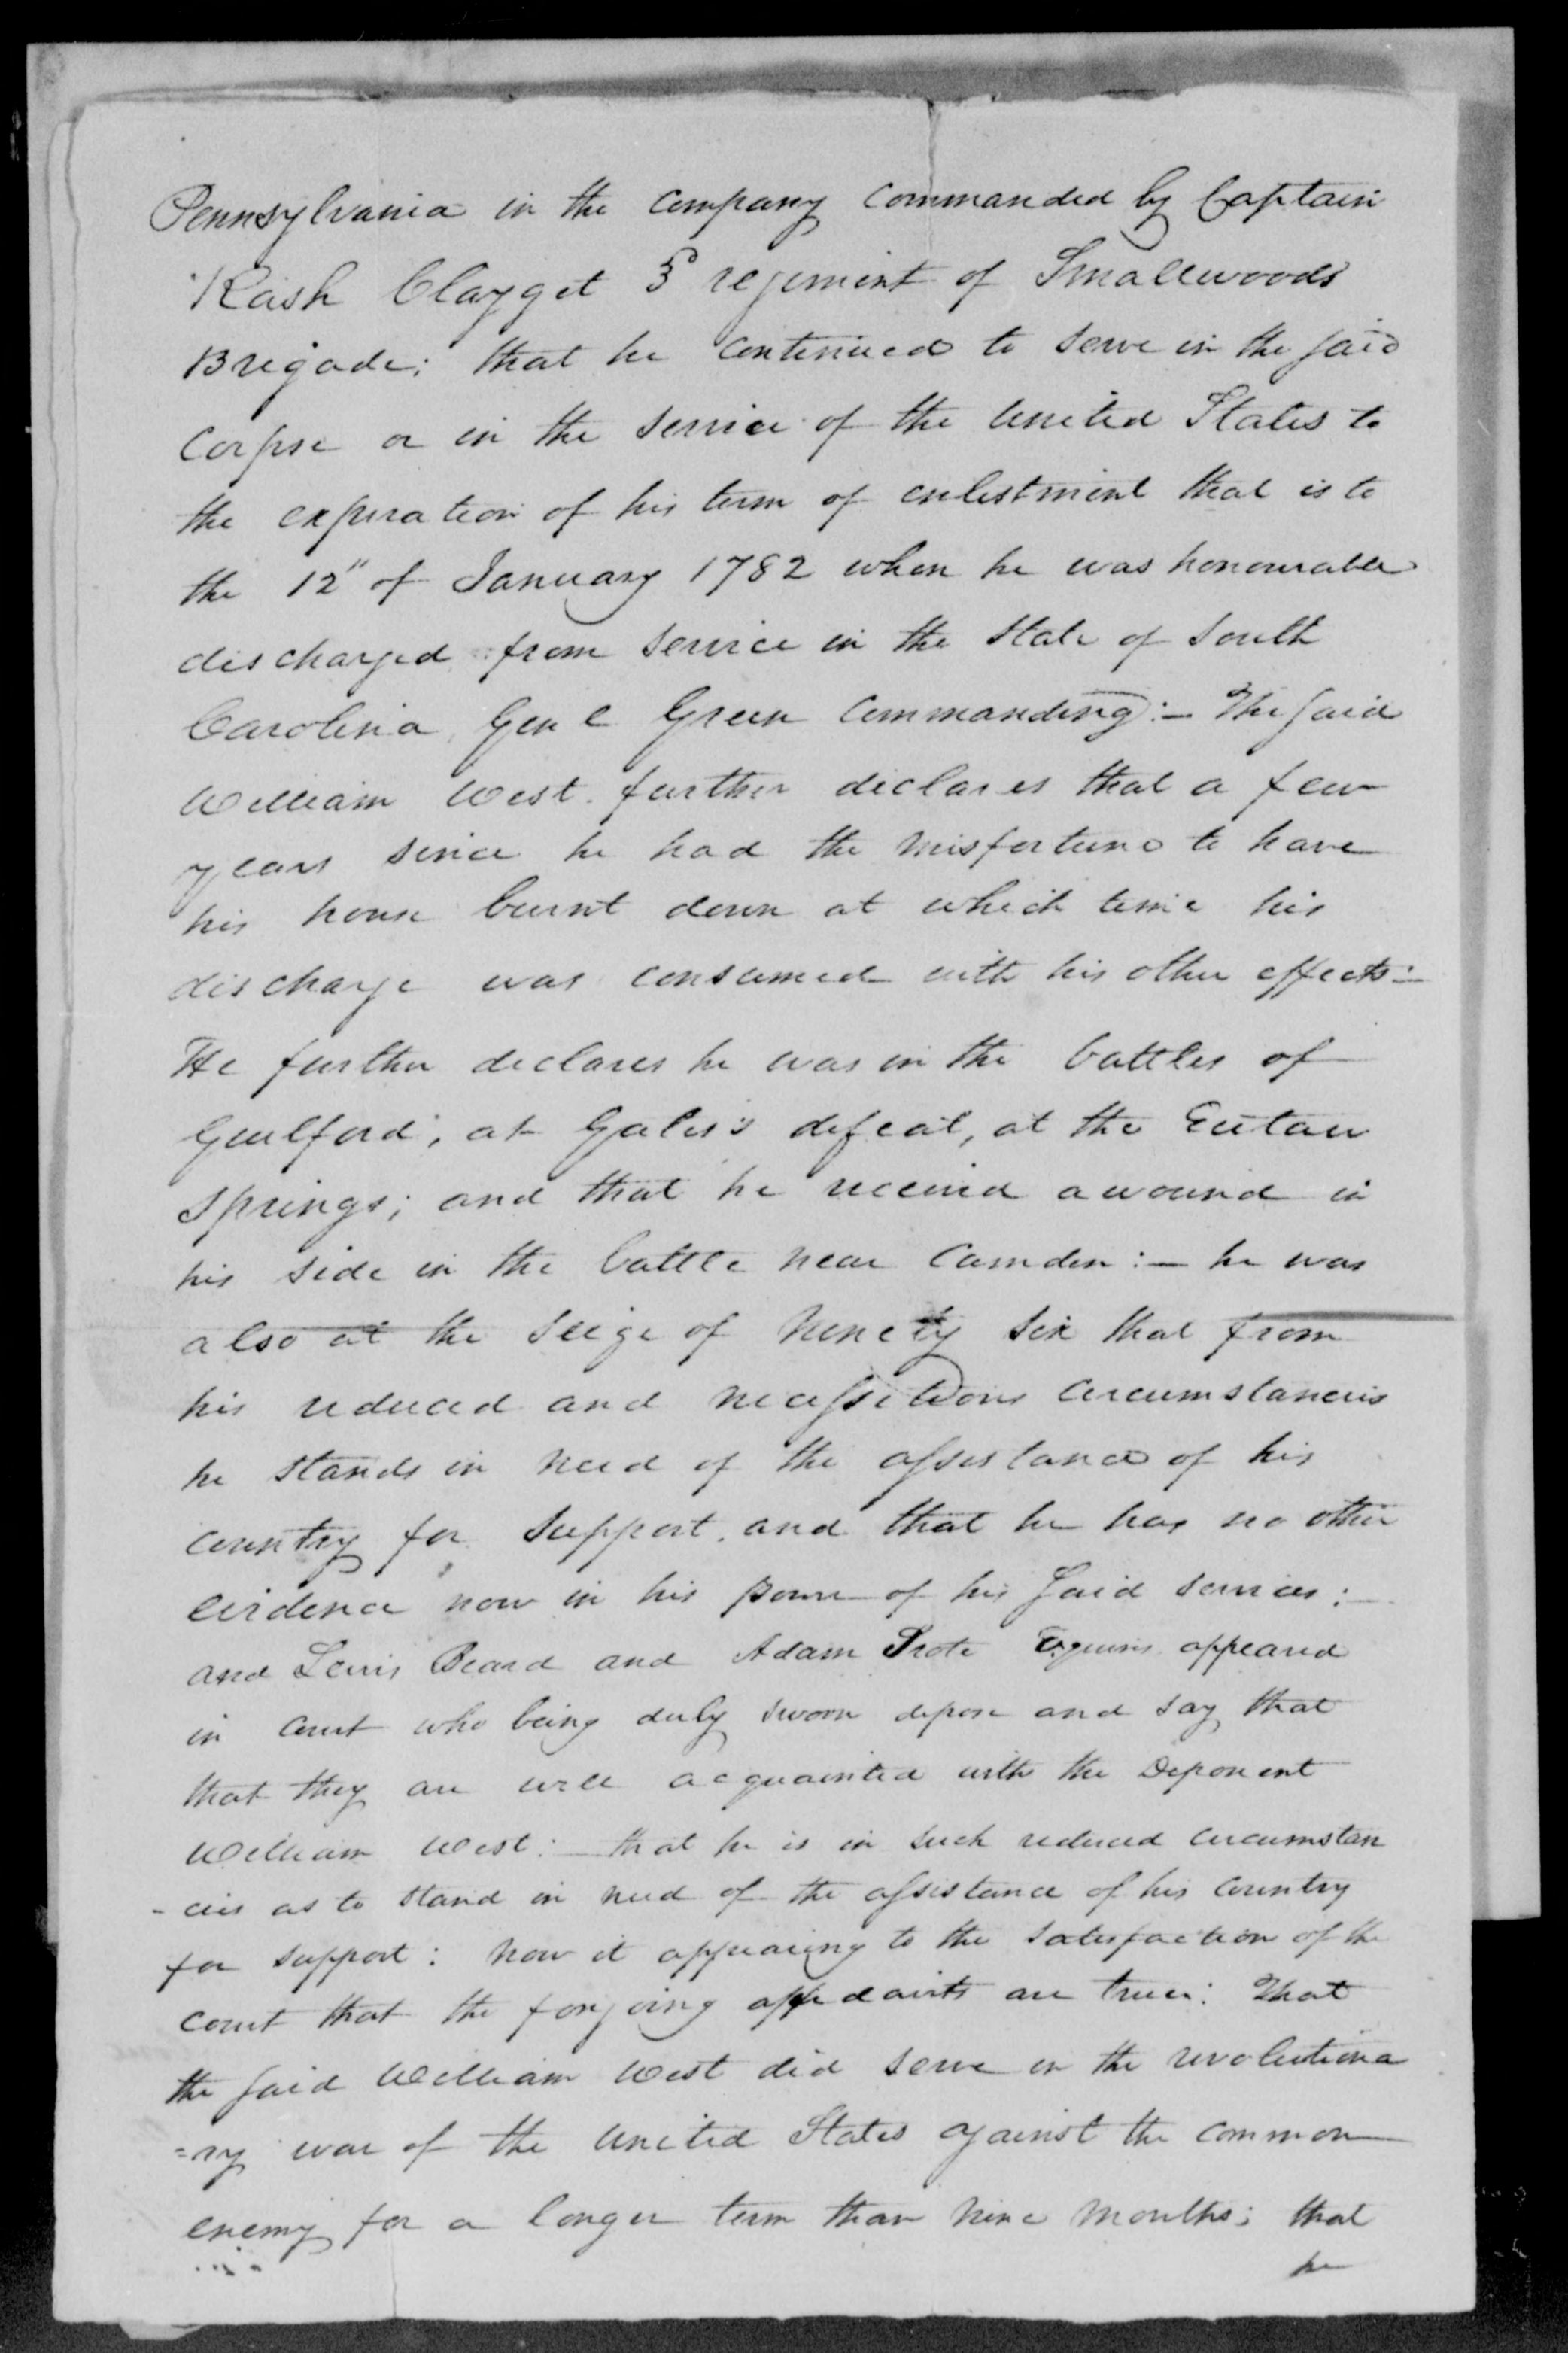Pennsylvania in the company commanded by Captain
Rash Clayget 3d Regiment of Smallwoods
Brigade: that he continued to serve in the said
corps or in the service of the United States to
the expiration of his term of enlistment that is to
the 12th of January 1782 when he was honourable
discharged from service in the State of South 
Carolina. Genl Green Commanding: Then said
William West further declares that a few
years since he had the misfortune to have
his house burnt down at which time his
discharge was consumed with his other effects.
He further declares he was in the battles of
Galford, at Gates defeat, at the Eutau
Springs; and that he received a wound in
his side in the battle near Camden: he was
also at the siege of Ninety six that from
his reduced and necessitious circumstances
he stands in need of the assistance of his
country for support, and that he has no other
evidence now in his posession of his said services:
and Lewis Beard and Adam Prote Esquires appeared
in Court who being duly sworn depose and say that
that they are well acquainted with the Deponent
William West-- that he is in such reduced circumstances
as to stand in need of the assistance of his country
for support: Now it appearing to the satisfaction of the
court that the foregoing affidavits are true: That the
said William West did serve in the revolutionary
war of the United States against the common
enemy for a longer term than nine months; that
he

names: Rash Clayget, Adam Srote, William West, Lewis Beard, Green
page: 6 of 12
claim: survivor's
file: S. 42060, William West, Md.